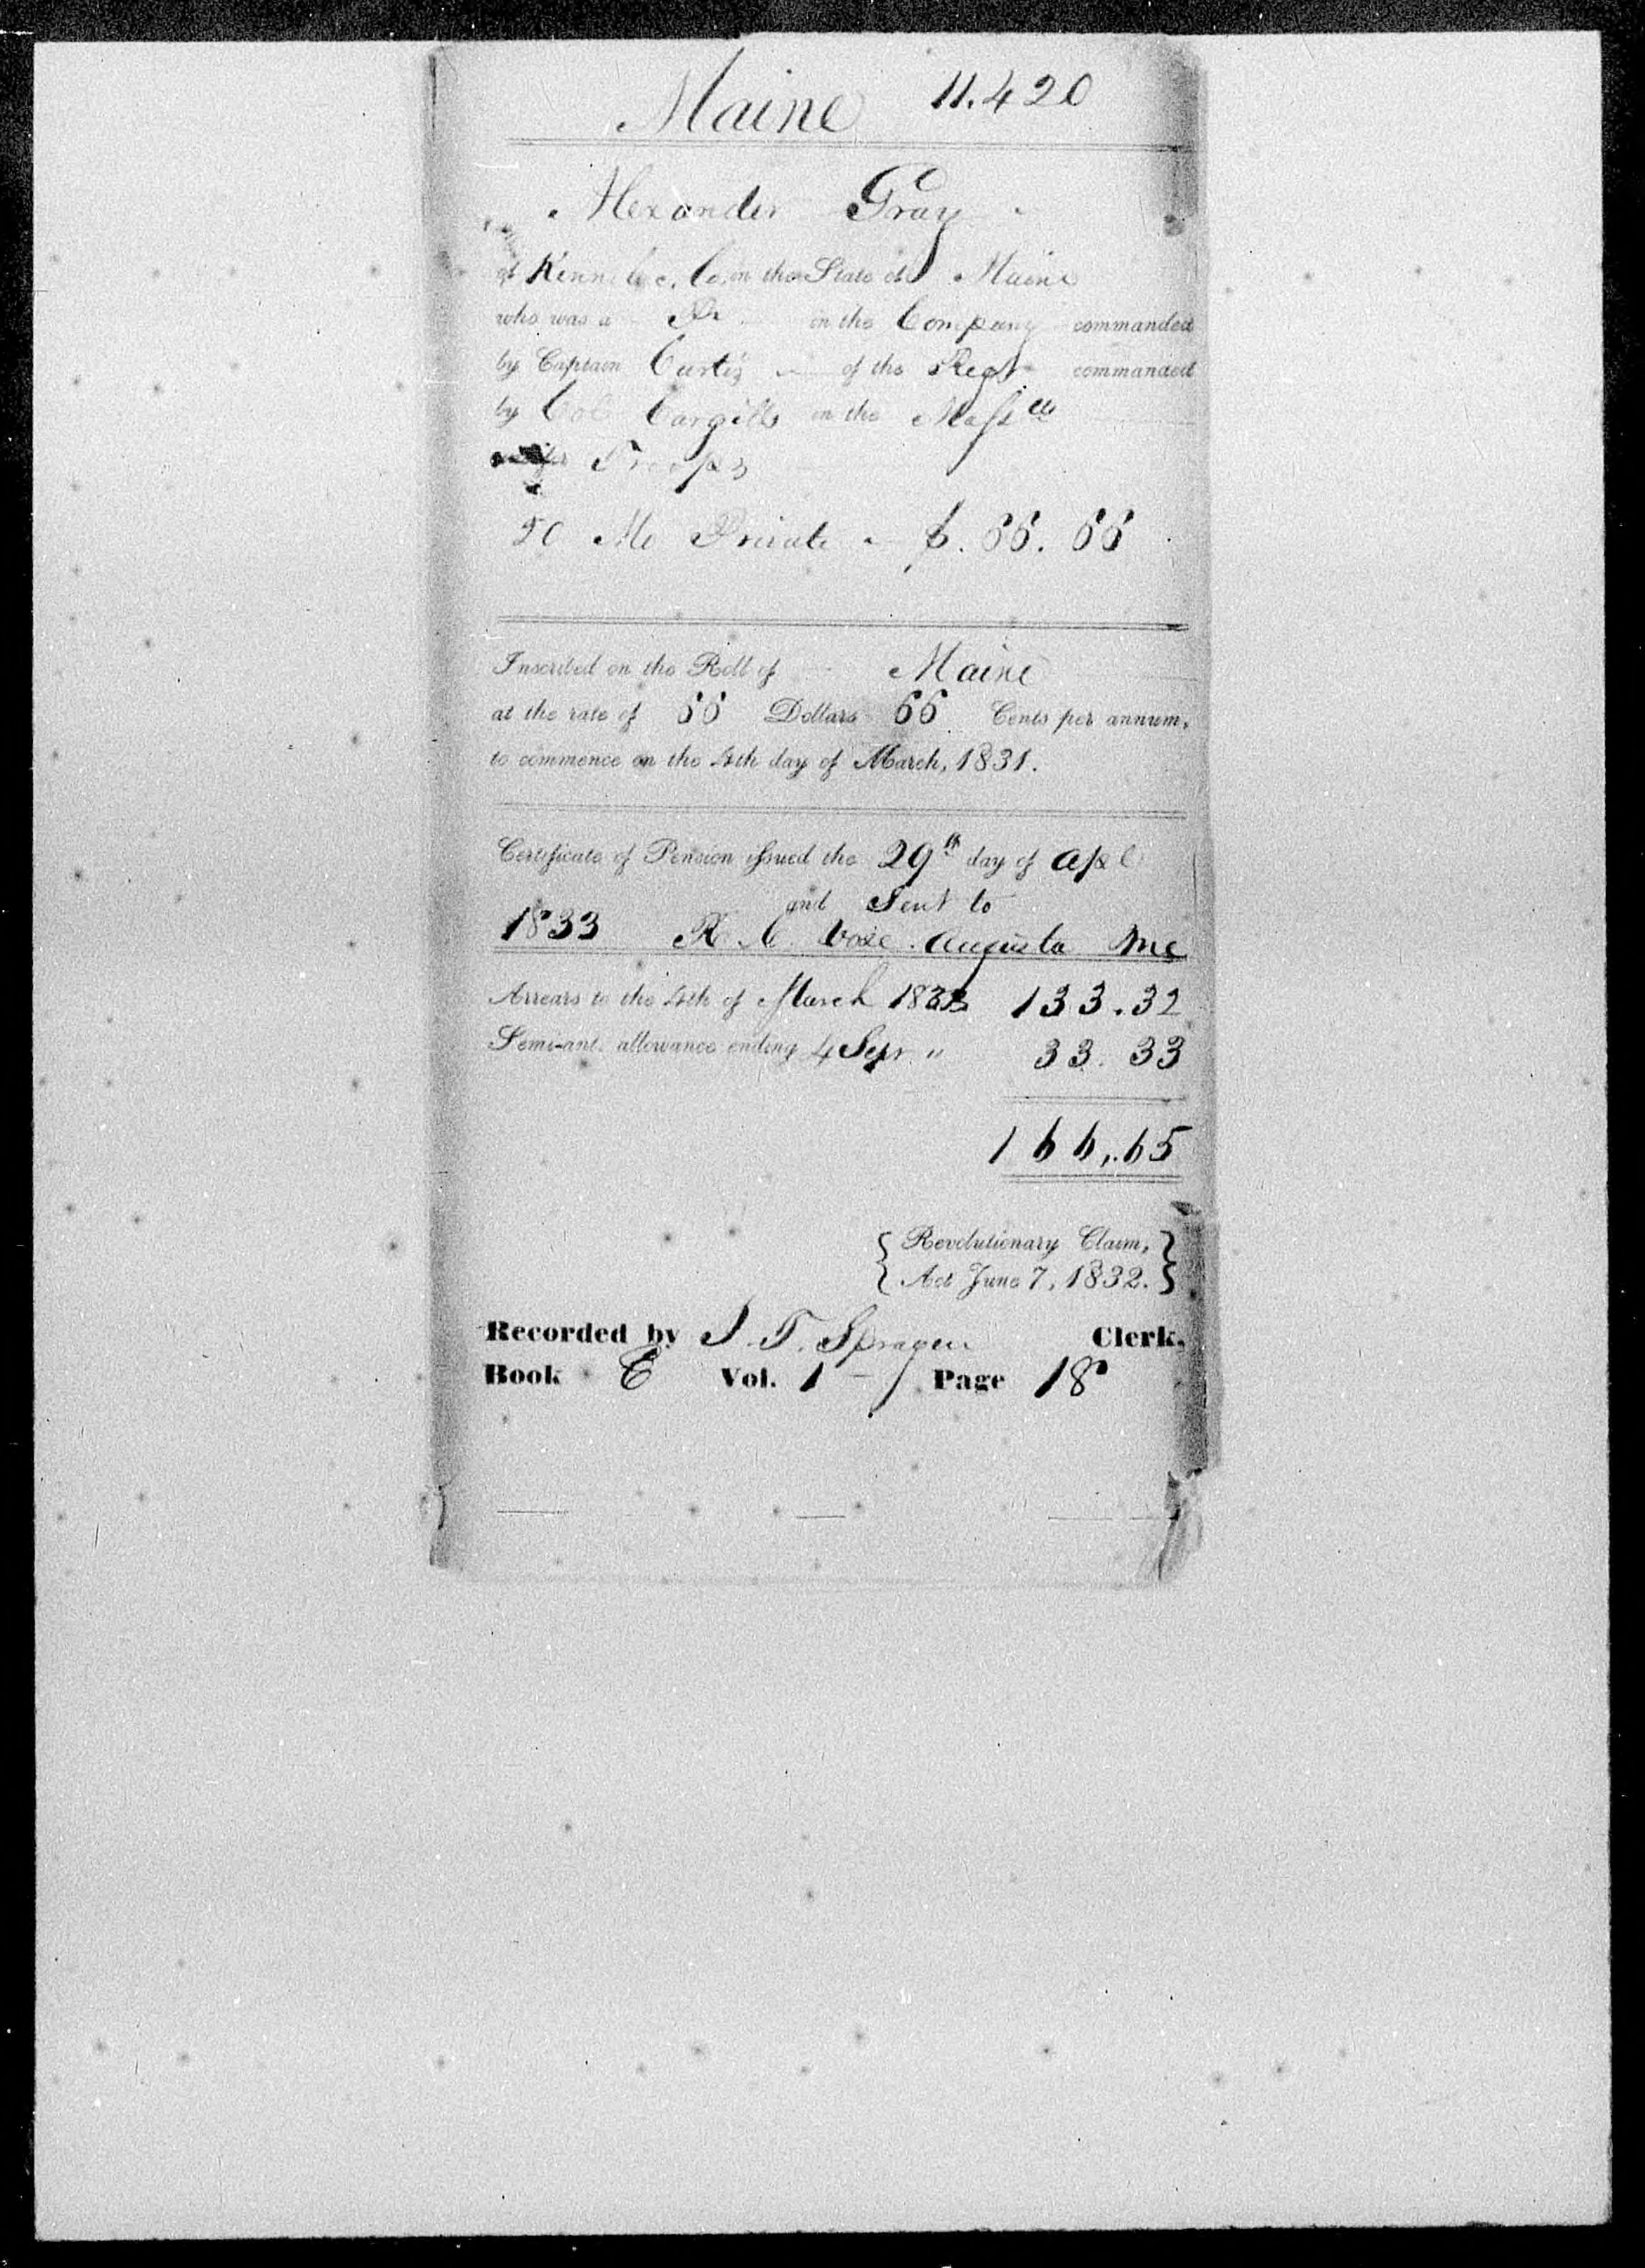Maine 11. 420
Alexander Gray
Kennebec Co in the State of Maine
who was in the Company commanded
by Ephron Curtis of the Regt commanded
by Col Cargill in the [illegible Ma... for Troop] 
20 Mo Private $66.66
Inscribed on the Roll of Maine
at the rate of 66 Dollars 66 Cents per annum
to commence on the 4th day of March, 1831
Certificate of Pension issued the 29th day of Apl
1833 and Sent to
R. C. Vose Augusta M
Arrears to the 4th of March 1833 133.32
Semi-anl. allowance ending 4 Sept " 33.33
166.65 [total]

{ Revolutionary Claim, }
{ Act June 7, 1832. }

Recorded by J.T. Sprager Clerk.
Book E Vol. 1 Page 18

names: Curtis, Cargill, Alexander Gray, J T Spragen, R C Vose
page: 3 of 13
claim: survivor's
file: S. 18845, Alexander Gray, Mass.